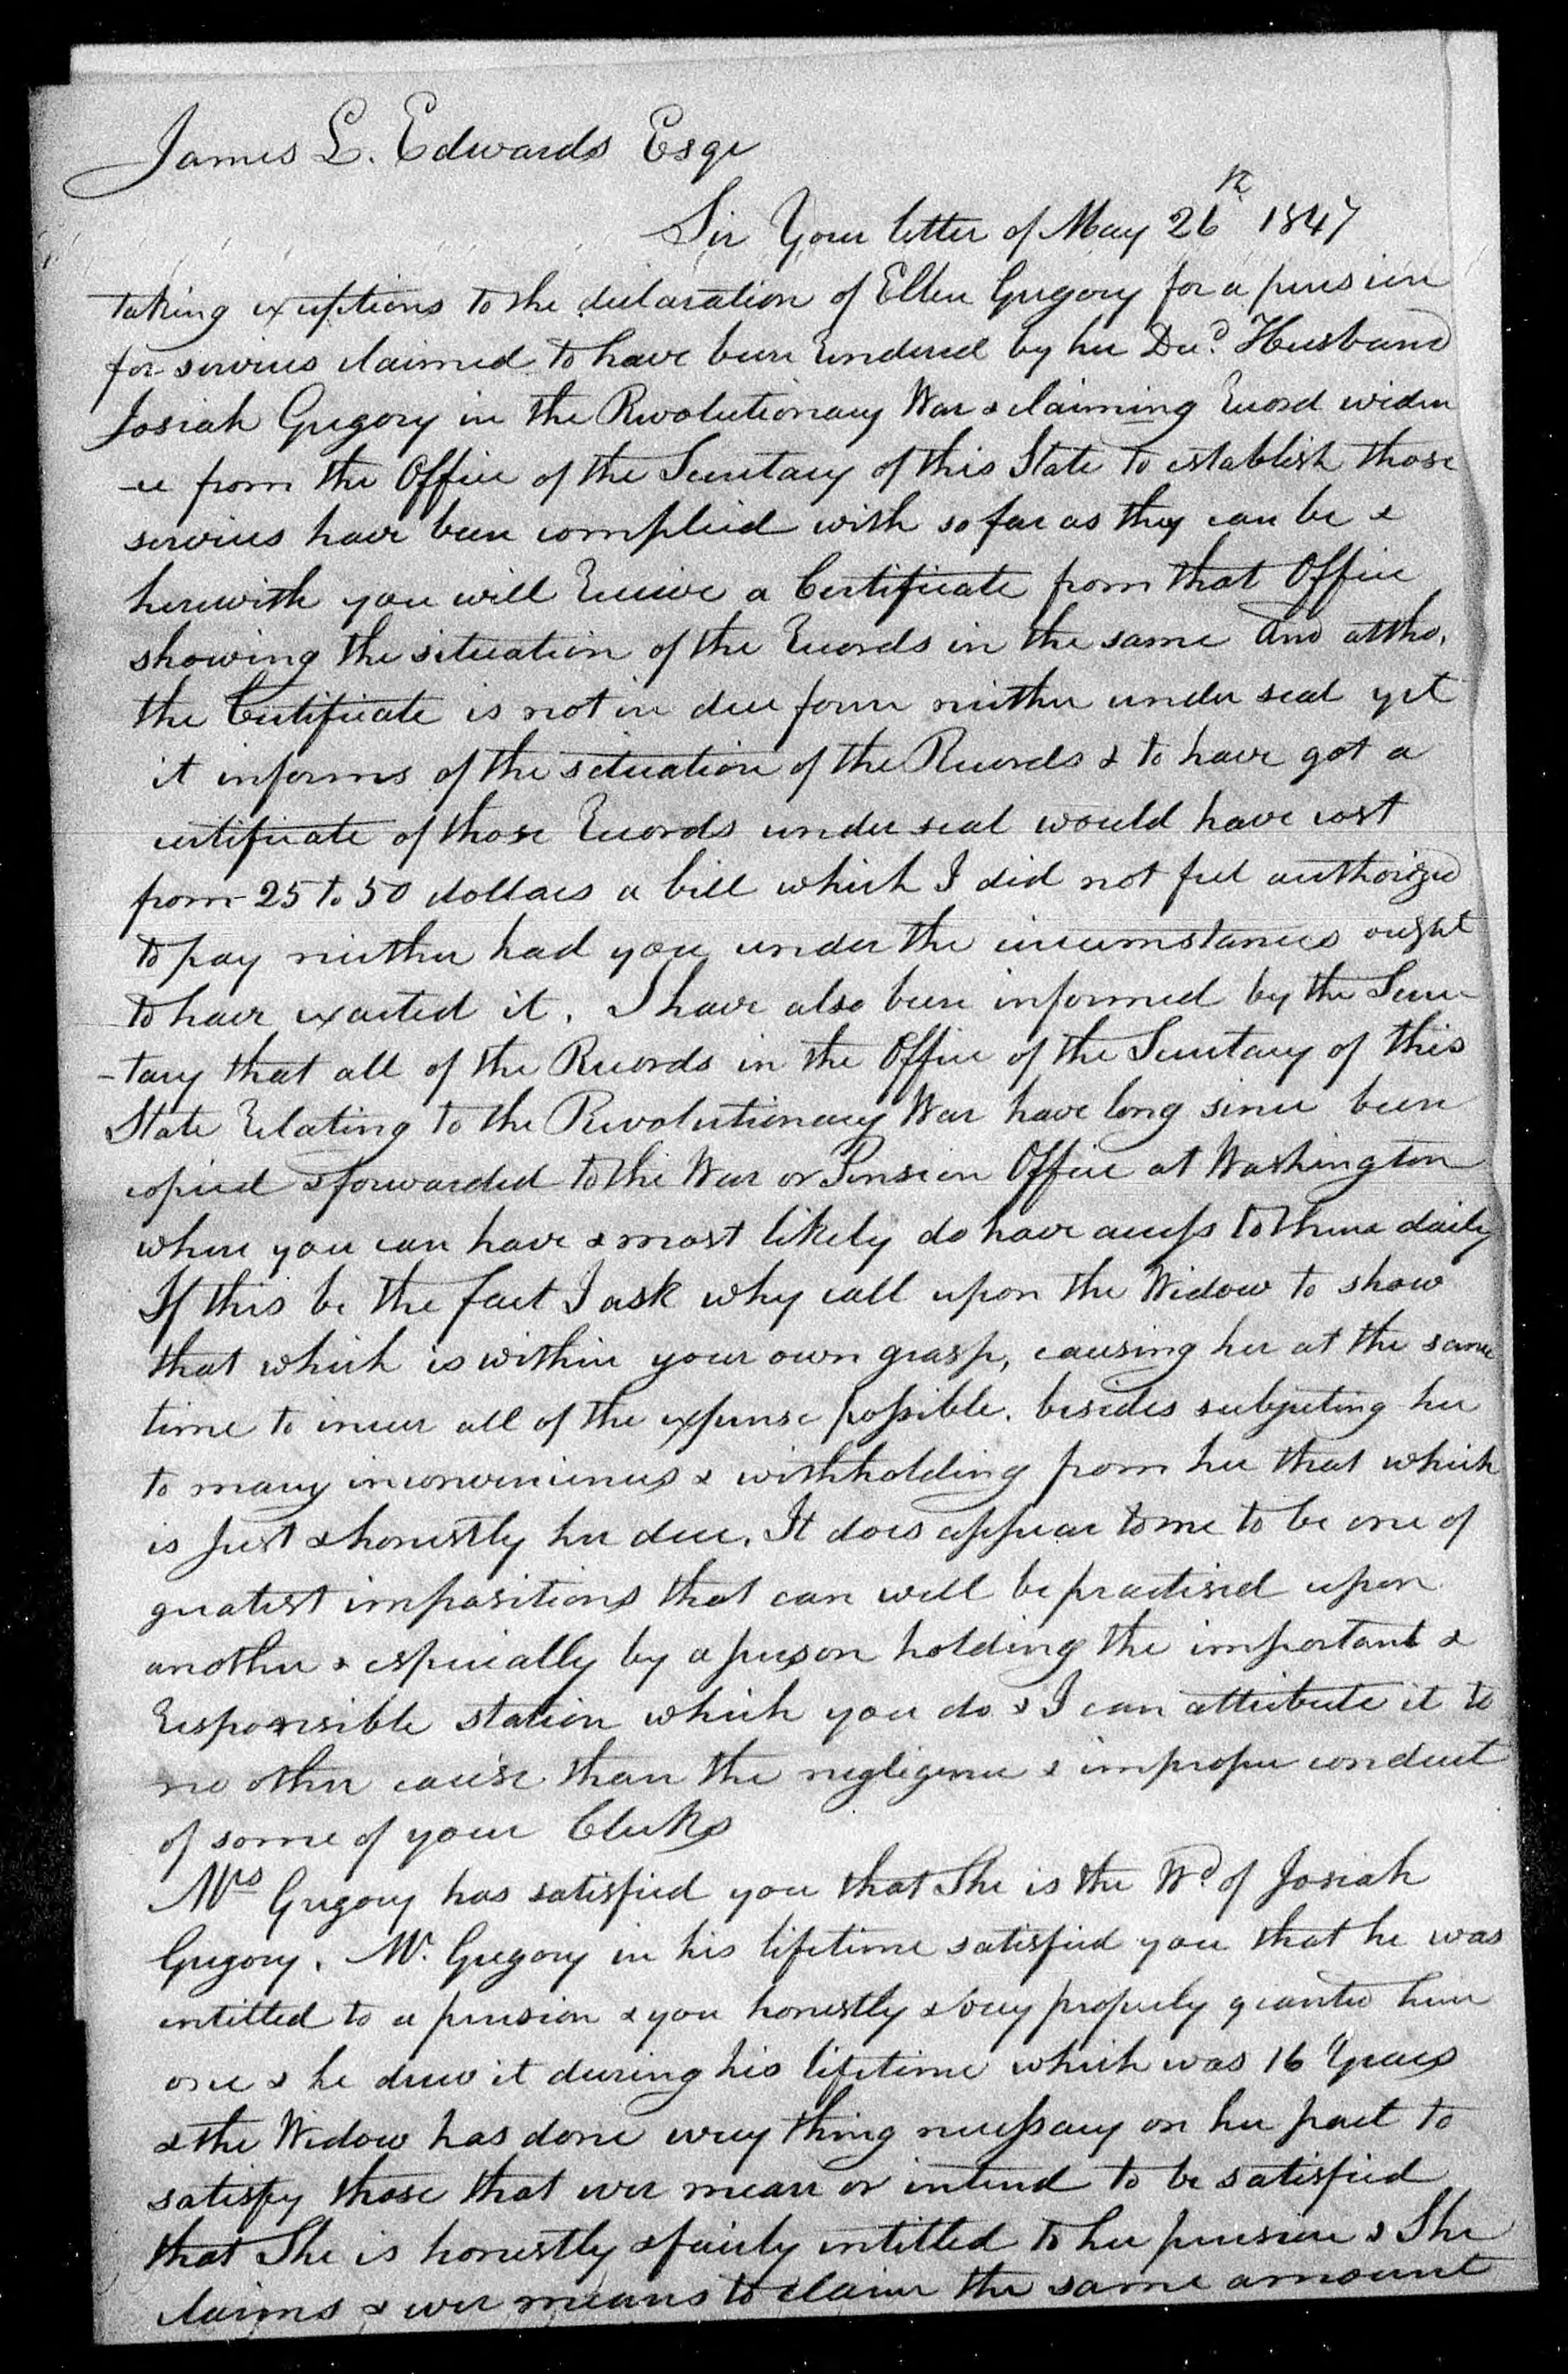James L. Edwards Esqr
             Sir, Your letter of May26th 1847
taking exception to the declaration of Ellen Gregory for a pension for services claimed to have been rendered by her Decd. Husband
Josiah Gregory in the Revolutionary war & claiming record evidence from the Office of the Secretary of this State to establish those services have been complied with so far as they can be & herewith you will receive a Certificate from that Office showing the situation of the records in the same  And altho' the Certificate is not in due form neither under seal yet it informs of the situation of the Records  & to have got a certificate of those Records under seal would have cost from 25 to 50 dollars a bill which which I did not feel authorized to pay  neither had you under the circumstances ought to have wanted it.  I have also been informed by the Secretary that all of the Records in the relating to the Revolutionary War or Pension Office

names: Josiah Gregory, Gregory, Ellen Gregory, Josiah Gregory, James L Edwards, Gregory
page: 37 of 49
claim: widow's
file: W 24308, Josiah Gregory, Conn.